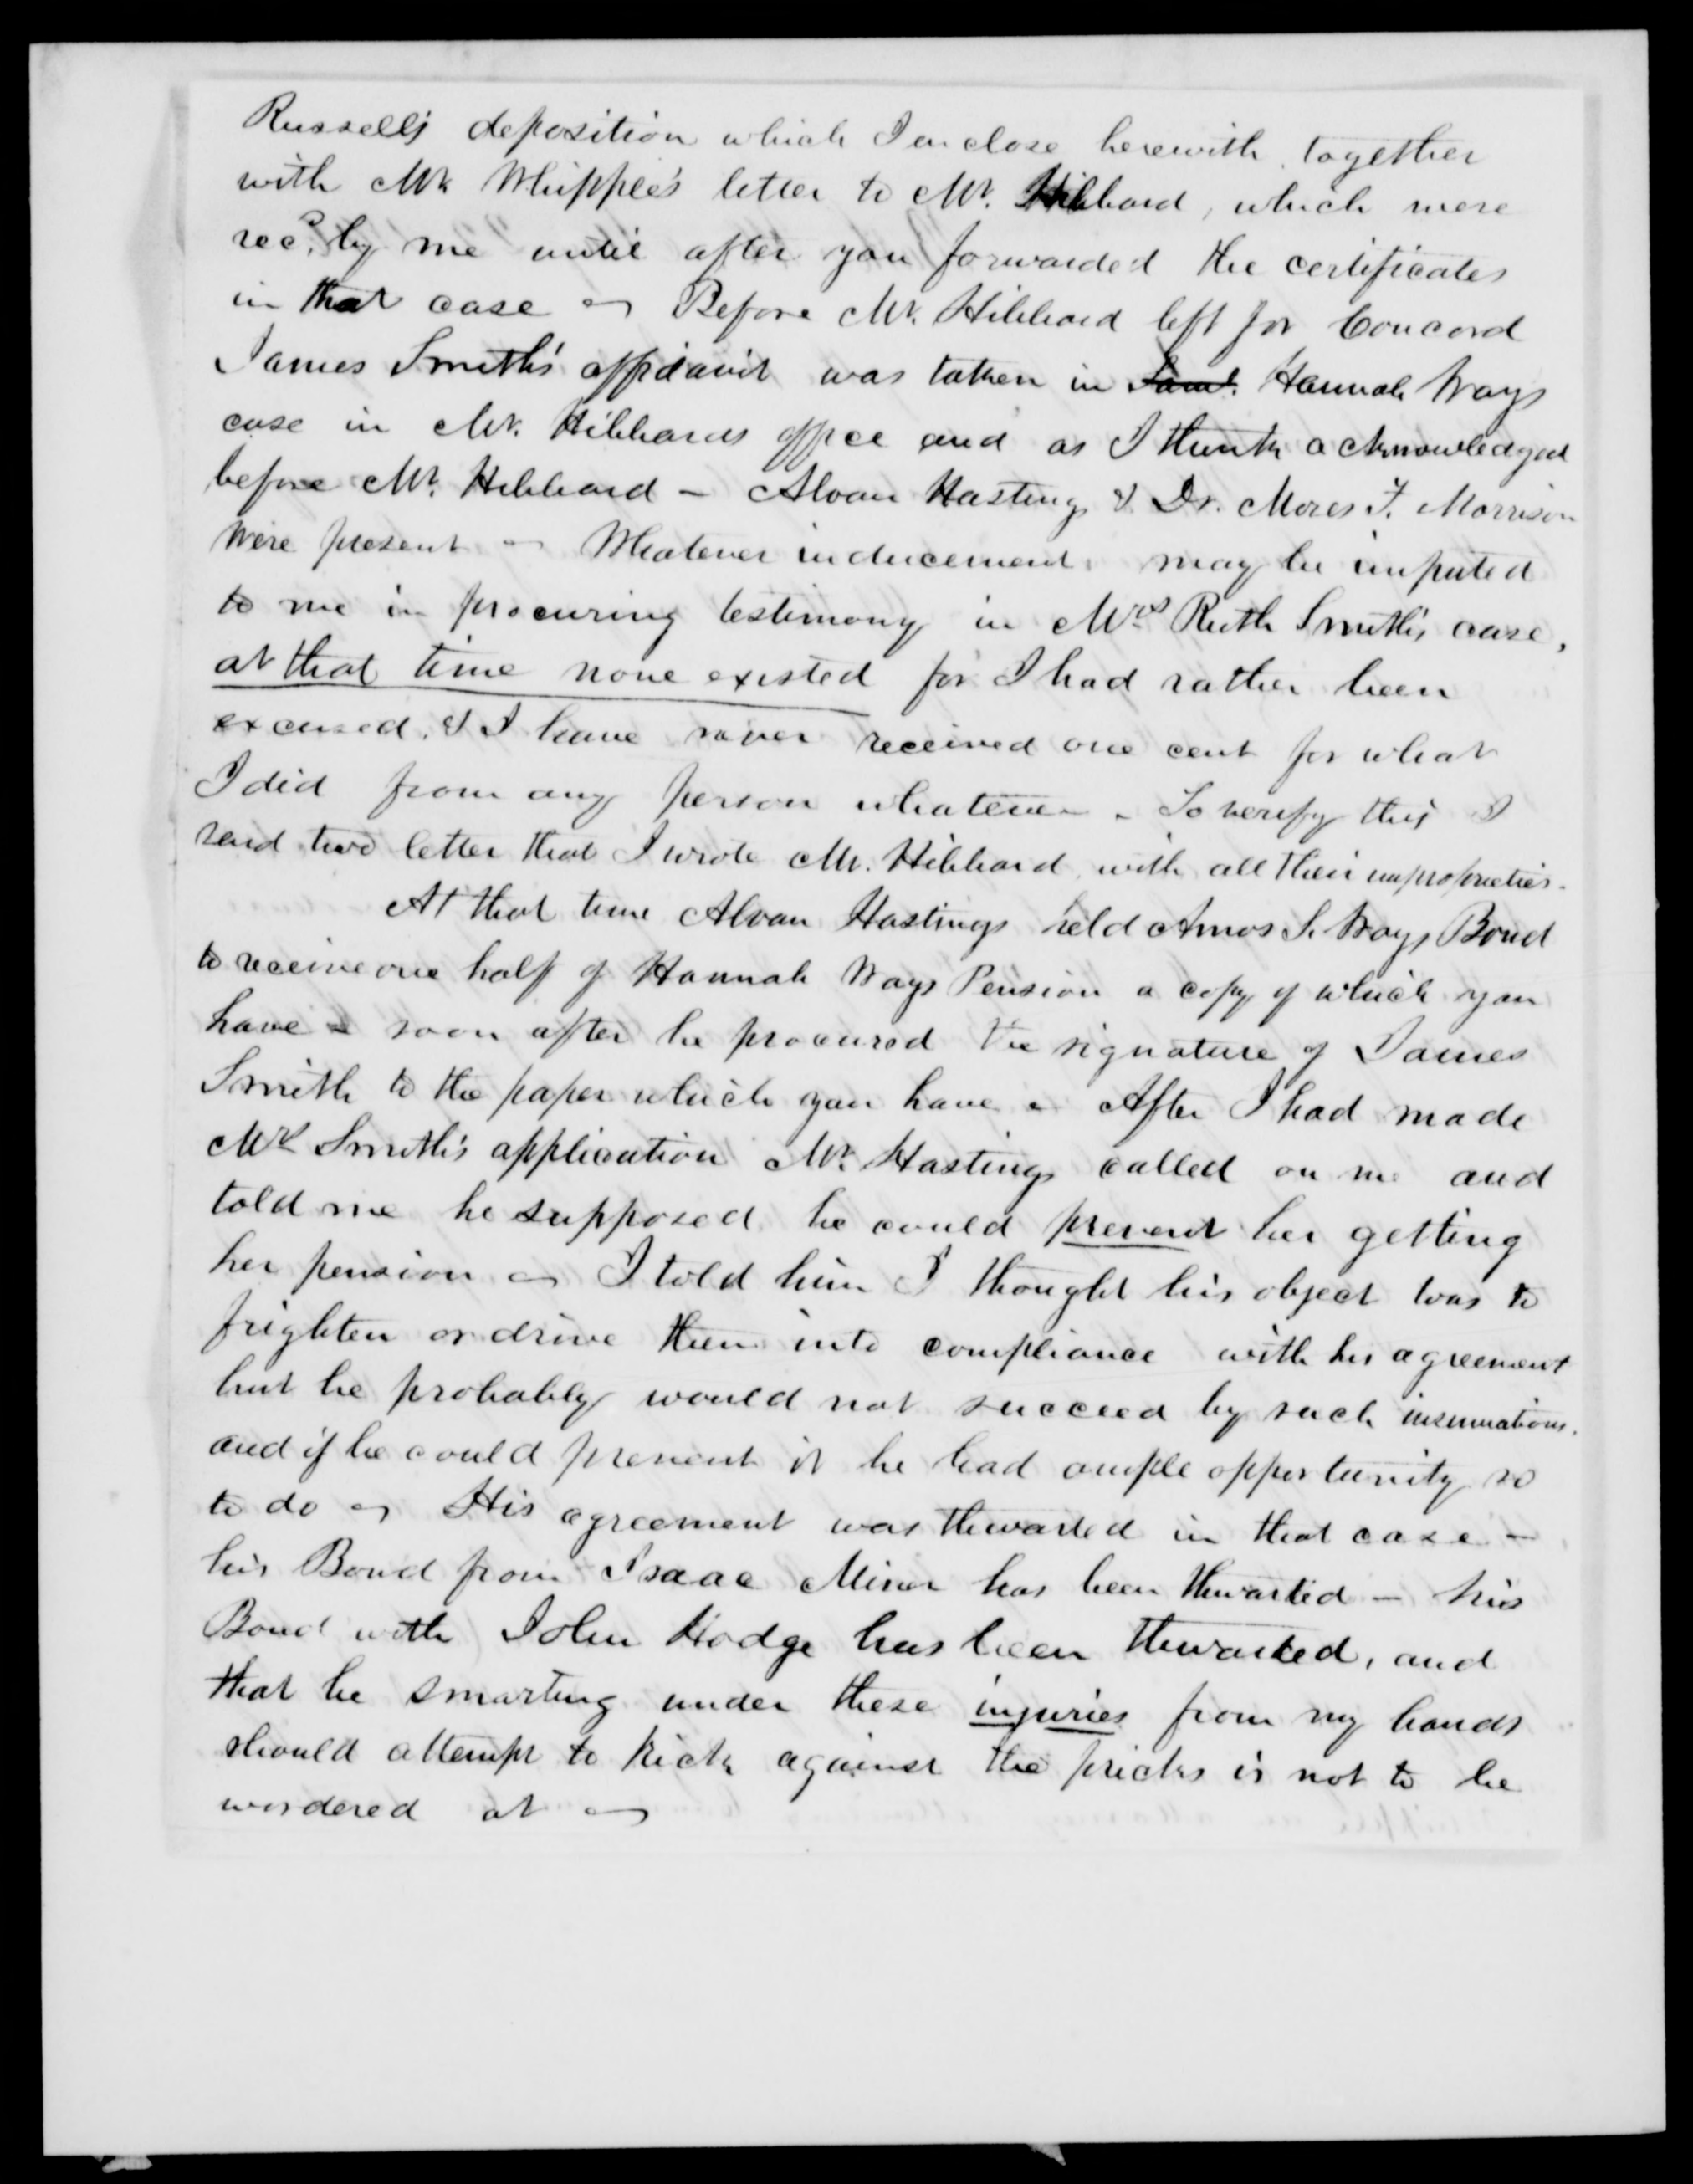Russell's deposition which I enclose herewith together
with Mr Whipple's letter to Mr Hibbard, which were
recd by me until after you forwarded the certificates
in that case - Before Mr. Hillard left for Concord
James Smith's affidavit was taken in Hannah Ways
case in Mr. Hibbards office and as I think acknowledged
before Mr Hibbard-- Alvan Hasting & Dr. Mores F. Morrison
were present - Whatever inducement, may be imputed
to me in procuring testimony in Mrs. Ruth Smith's case
at that time none existed for I had rather been
excused & I have never received one cent for what
I did from any person whatever. To verify this I
said two letter that I wrote Mr. Hibbard with all their improprieties
At that time Alvan Hastings held Amos S. Bays Bond
to receive one half of Hannah Ways Pension a copy of which you
have
soon after he procured the signature of James
Smith to the paper which you have
After I had made
Mr Smith's application Mr Hastings called on me and
told me he supposed he could prevent her getting
her pension. I told him I thought his object was to
frighten or drive them into compliance with his agreement
but he probably would not succeed by such insurations
and if he could prevent it he had ample opportunity to
to do or His agreement was thwarted in that case his
Bond from Isaac Miner has been thwarted-- his
Bond with John Hodge has been thwarted, and
that he smarting under these injuries from my hands
should attempt to kick against the pricks is not to be
ordered at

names: Isaac Minor, Amos S Way, John Hodge, James Smith, Moses F Morrison, Ruth Smith, Alvan Hastings, Hannah Way, Whipple, Hibbard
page: 57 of 78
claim: widow's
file: W. 25856, Samuel Way, N.H.